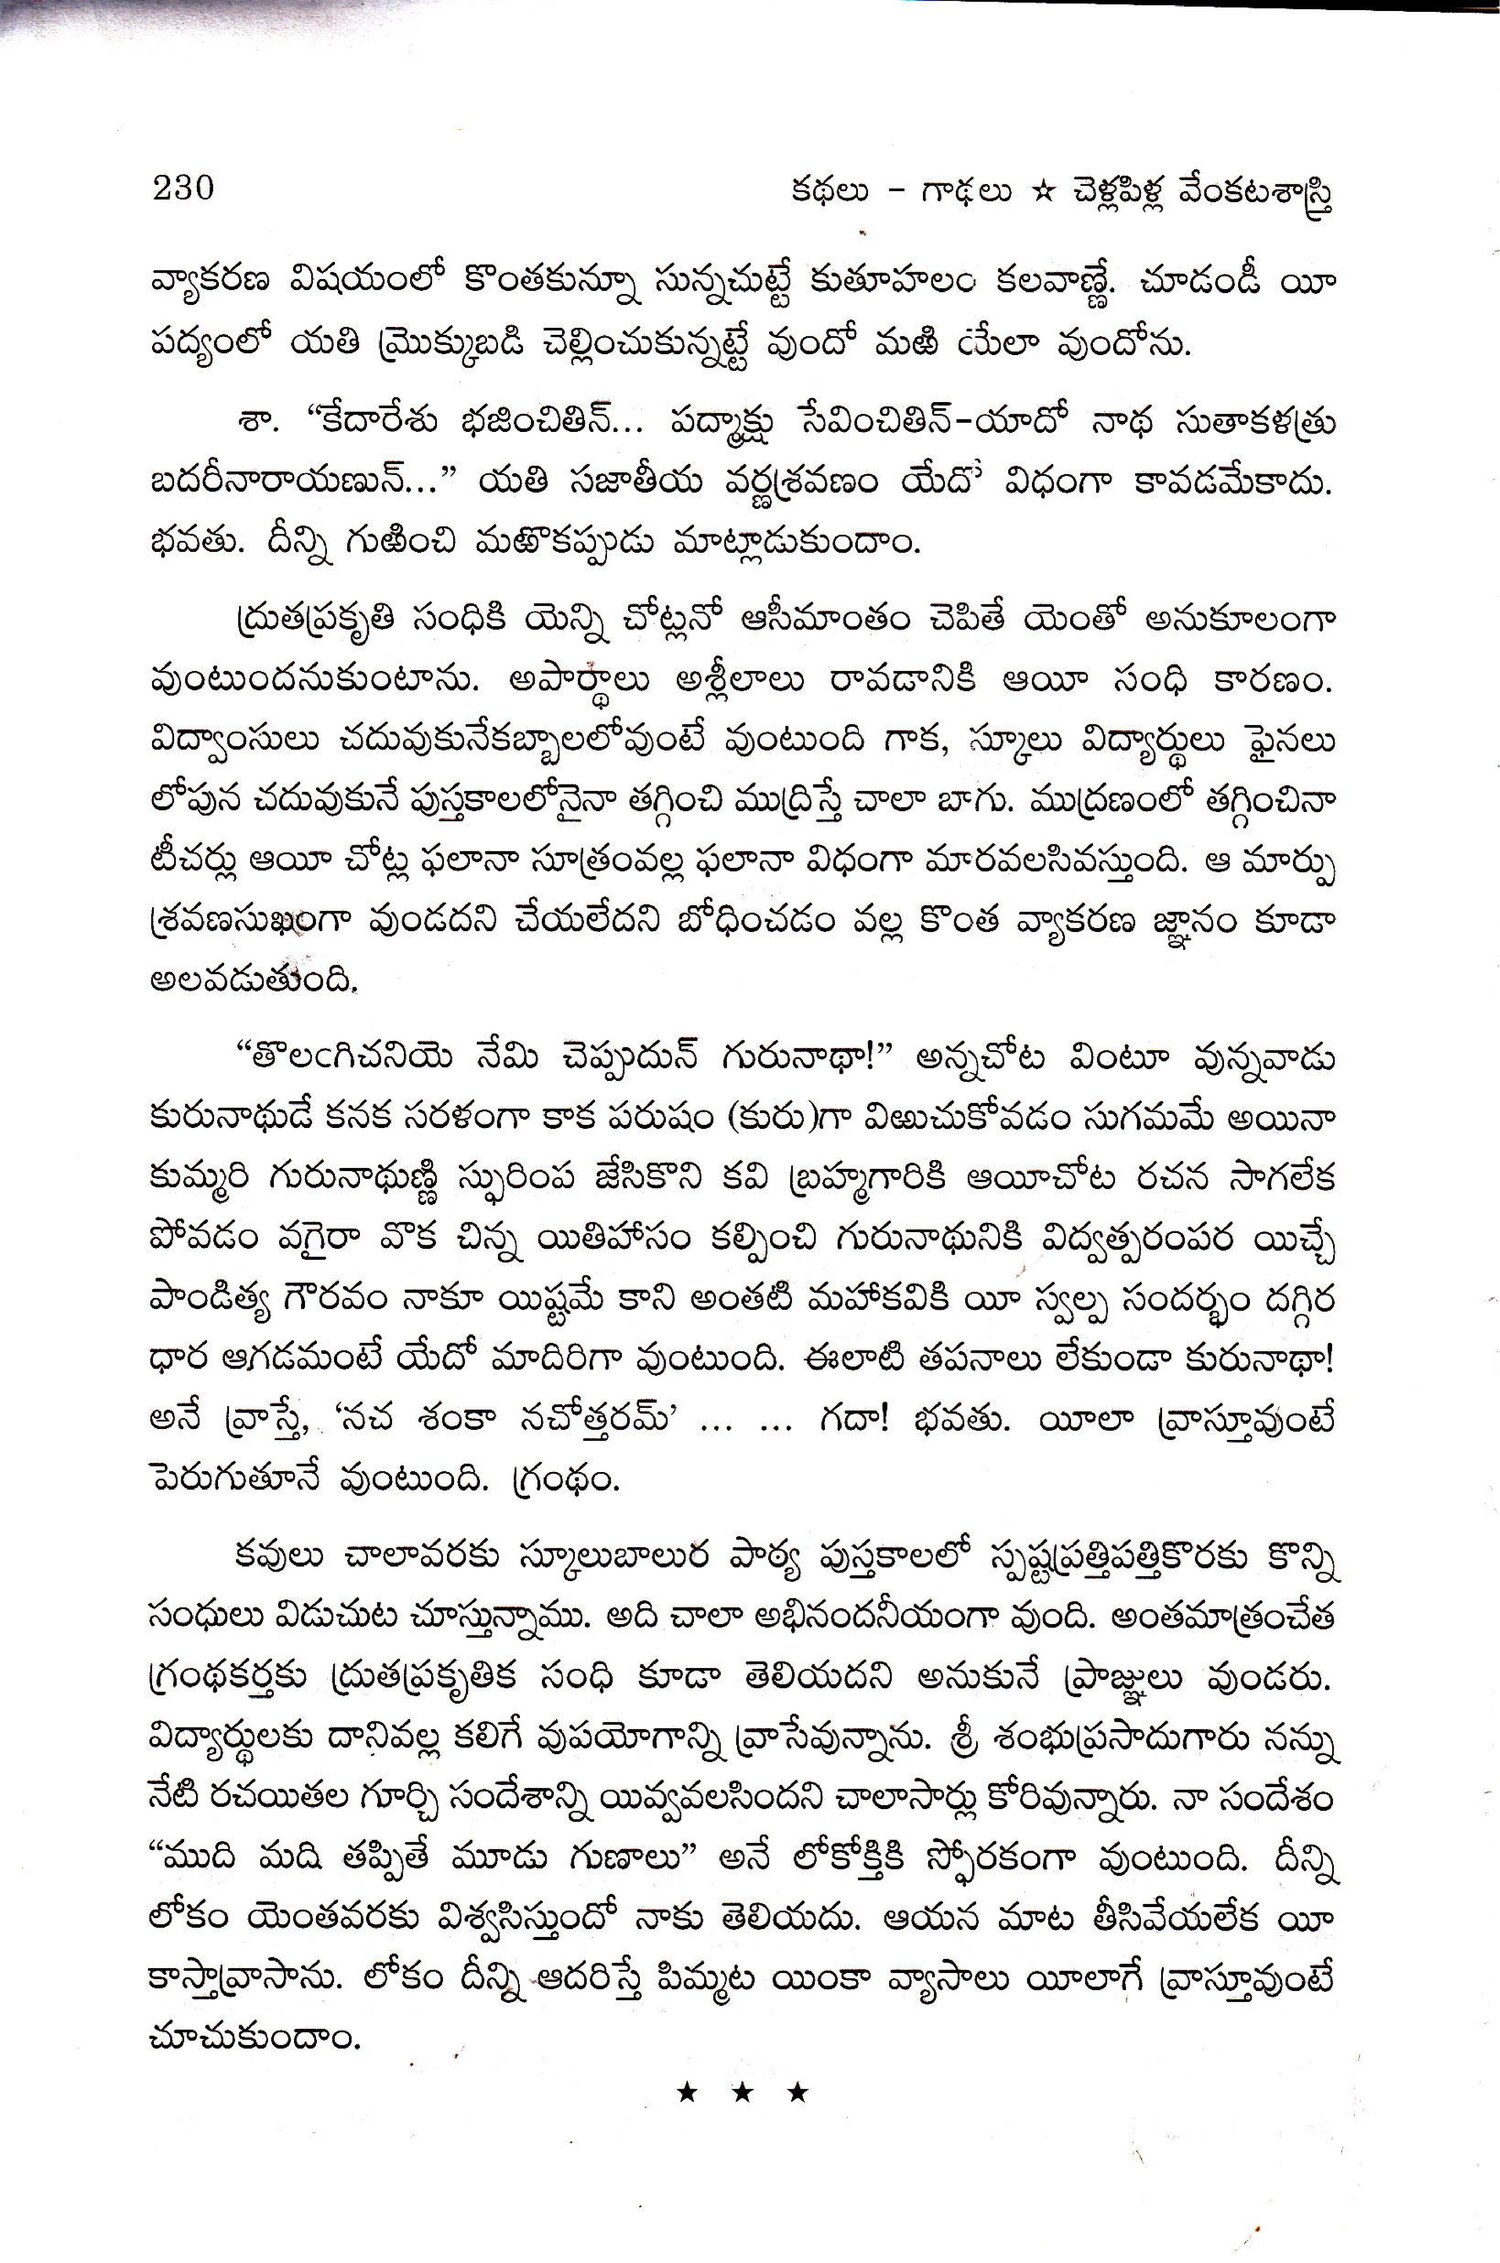వ్యాకరణ విషయంలో కొంతకున్నూ సున్నచుట్టే కుతూహలం కలవాణ్ణే. చూడండీ యీ పద్యంలో యతి మ్రొక్కుబడి చెల్లించుకున్నట్టే వుందో మఱి యేలా వుందోను.

శా. "కేదారేశు భజించితిన్. పద్మాక్షు సేవించితిన్-యాదో నాథ సుతాకళత్రు బదరీనారాయణున్." యతి సజాతీయ వర్ణశ్రవణం యేదో విధంగా కావడమేకాదు. భవతు. దీన్ని గుఱించి మఱొకప్పుడు మాట్లాడుకుందాం.

ద్రుతప్రకృతి సంధికి యెన్ని చోట్లనో ఆసీమాంతం చెపితే యెంతో అనుకూలంగా వుంటుందనుకుంటాను. అపార్థాలు అళ్లీలాలు రావడానికి ఆయీ సంధి కారణం. విద్వాంసులు చదువుకునేకబ్బాలలోవుంటే వుంటుంది గాక, స్కూలు విద్యార్థులు ఫైనలు లోపున చదువుకునే పుస్తకాలలోనైనా తగ్గించి ముద్రిస్తే చాలా బాగు. ముద్రణంలో తగ్గించినా టీచర్లు ఆయీ చోట్ల ఫలానా సూత్రంవల్ల ఫలానా విధంగా మారవలసివస్తుంది. ఆ మార్పు శ్రవణసుఖంగా వుండదని చేయలేదని బోధించడం వల్ల కొంత వ్యాకరణ జ్ఞానం కూడా అలవడుతుంది,

“తొలఁగిచనియె నేమి చెప్పదున్ గురునాథా!” అన్నచోట వింటూ వున్నవాడు కురునాథుడే కనక సరళంగా కాక పరుషం (కురు)గా విఱుచుకోవడం సుగమమే అయినా కుమ్మరి గురునాథుణ్ణి స్ఫురింప జేసికొని కవి బ్రహ్మగారికి ఆయీచోట రచన సాగలేక పోవడం వగైరా వొక చిన్న యితిహాసం కల్పించి గురునాథునికి విద్వత్పరంపర యిచ్చే పాండిత్య గౌరవం నాకూ యిష్టమే కాని అంతటి మహాకవికి యీ స్వల్ప సందర్భం దగ్గిర ధార ఆగడమంటే యేదో మాదిరిగా వుంటుంది. ఈలాటి తపనాలు లేకుండా కురునాథా! అనే వ్రాస్తే, 'నచ శంకా నచోత్తరమ్‌' ... ... గదా! భవతు. యీలా వ్రాస్తూవుంటే పెరుగుతూనే వుంటుంది. గ్రంథం.

కవులు చాలావరకు స్కూలుబాలుర పాఠ్య పుస్తకాలలో స్పష్టప్రత్తిపత్తికొరకు కొన్ని సంధులు విడుచుట చూస్తున్నాము. అది చాలా అభినందనీయంగా వుంది. అంతమాత్రంచేత గ్రంథకర్తకు ద్రుతప్రకృతిక సంధి కూడా తెలియదని అనుకునే ప్రాజ్ఞులు వుండరు. విద్యార్థులకు దానివల్ల కలిగే వుపయోగాన్ని వ్రాసేవున్నాను. శ్రీ శంభుప్రసాదుగారు నన్ను నేటి రచయితల గూర్చి సందేశాన్ని యివ్వవలసిందని చాలాసార్లు కోరివున్నారు. నా సందేశం "ముది మది తప్పితే మూడు గుణాలు" అనే లోకోక్తికి స్ఫోరకంగా వుంటుంది. దీన్ని లోకం యెంతవరకు విశ్వసిస్తుందో నాకు తెలియదు. ఆయన మాట తీసివేయలేక యీ కాస్తావ్రాసాను. లోకం దీన్ని ఆదరిస్తే పిమ్మట యింకా వ్యాసాలు యీలాగే వ్రాస్తూవుంటే చూచుకుందాం.